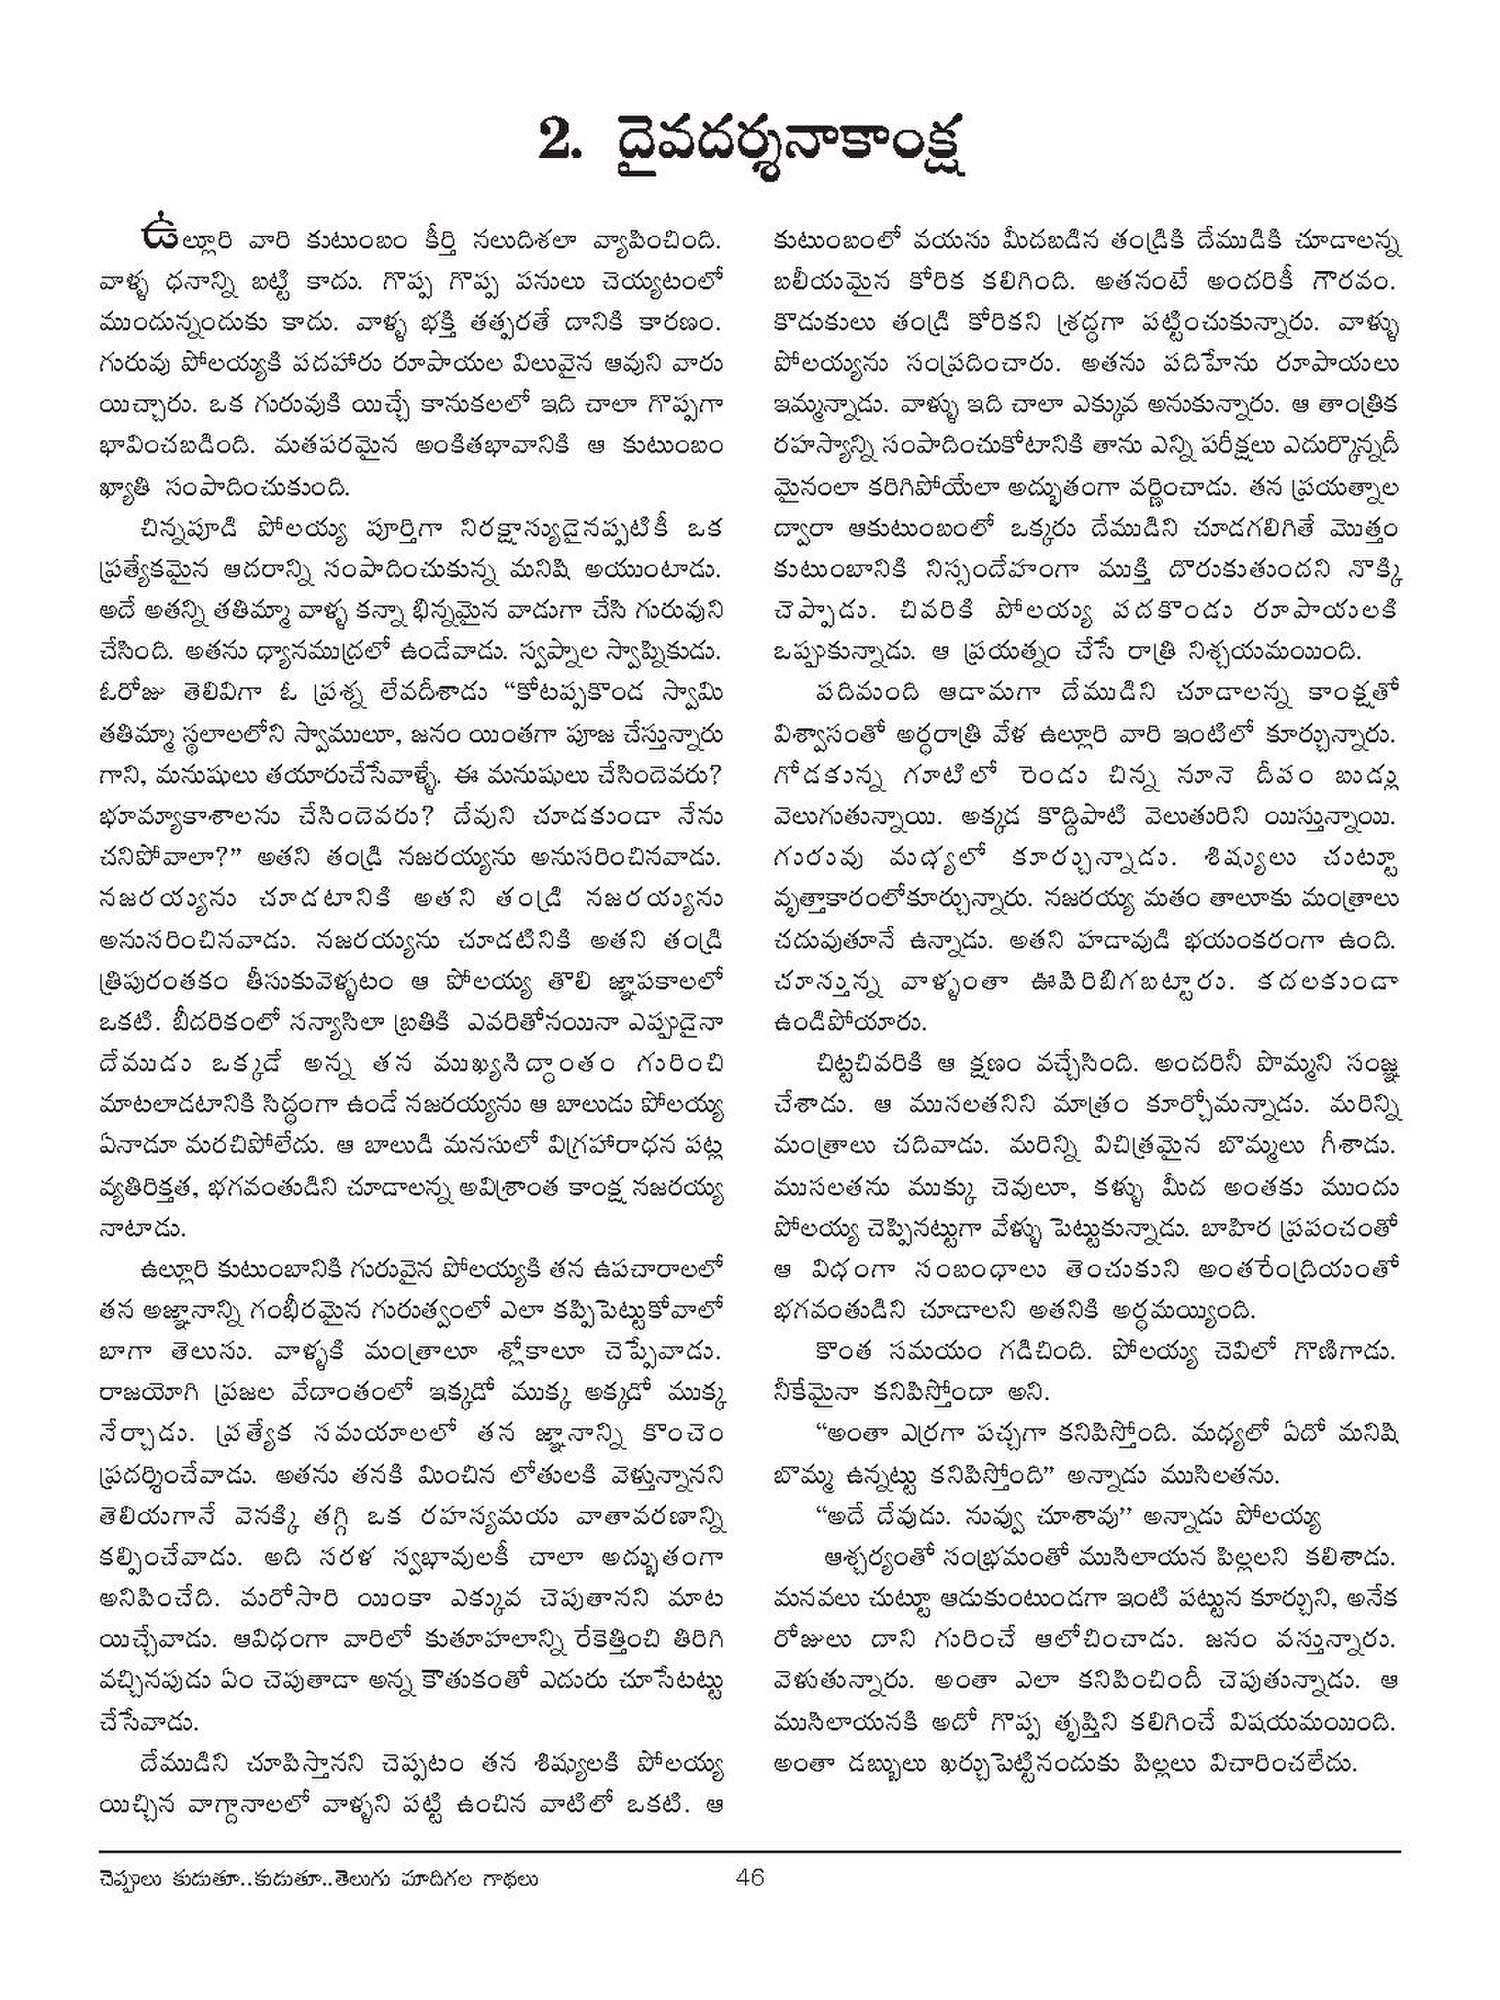2. దైవదర్శనాకాంక్ష

ల్లూరి వారి కుటుంబం కీర్తి నలుదిశలా వ్యాపించింది. వాళ్ళ ధనాన్ని బట్టి కాదు. గొప్ప గొప్ప పనులు చెయ్యటంలో ముందున్నందుకు కాదు. వాళ్ళ భక్తి తత్పరతే దానికి కారణం. గురువు పోలయ్యకి పదహారు రూపాయల విలువైన ఆవుని వారు యిచ్చారు. ఒక గురువుకి యిచ్చే కానుకలలో ఇది చాలా గొప్పగా
భావించబడింది. మతపరమైన అంకితభావానికి ఆ కుటుంబం ఖ్యాతి సంపాదించుకుంది.

చిన్నపూడి పోలయ్య పూర్తిగా నిరక్షాస్యుడైనప్పటికీ ఒక ప్రత్యేకమైన ఆదరాన్ని సంపాదించుకున్న మనిషి అయుంటాడు. అదే అతన్ని తతిమ్మా వాళ్ళ కన్నా భిన్నమైన వాడుగా చేసి గురువుని చేసింది. అతను ధ్యానముద్రలో ఉండేవాడు. స్వప్నాల స్వాప్నికుడు. ఓరోజు తెలివిగా ఓ ప్రశ్న లేవదీశాడు "కోటప్పకొండ స్వామి తతిమ్మా స్థలాలలోని స్వాములూ, జనం యింతగా పూజ చేస్తున్నారు గాని, మనుషులు తయారుచేసేవాళ్ళే. ఈ మనుషులు చేసిందెవరు? భూమ్యాకాశాలను చేసిందెవరు? దేవుని చూడకుండా నేను చనిపోవాలా?” అతని తండ్రి నజరయ్యను అనుసరించినవాడు. నజరయ్యను చూడటానికి అతని తండ్రి నజరయ్యను అనుసరించినవాడు. నజరయ్యను చూడటినికి అతని తండ్రి త్రిపురంతకం తీసుకువెళ్ళటం ఆ పోలయ్య తొలి జ్ఞాపకాలలో ఒకటి. బీదరికంలో సన్యాసిలా బ్రతికి ఎవరితోనయినా ఎప్పుడైనా దేముడు ఒక్కడే అన్న తన ముఖ్యసిద్ధాంతం గురించి మాటలాడటానికి సిద్ధంగా ఉండే నజరయ్యను ఆ బాలుడు పోలయ్య ఏనాడూ మరచిపోలేదు. ఆ బాలుడి మనసులో విగ్రహారాధన పట్ల
వ్యతిరిక్తత, భగవంతుడిని చూడాలన్న అవిశ్రాంత కాంక్ష నజరయ్య నాటాడు.

ఉల్లూరి కుటుంబానికి గురువైన పోలయ్యకి తన ఉపచారాలలో తన అజ్ఞానాన్ని గంభీరమైన గురుత్వంలో ఎలా కప్పిపెట్టుకోవాలో బాగా తెలుసు. వాళ్ళకి మంత్రాలు శ్లోకాలూ చెప్పేవాడు. రాజయోగి ప్రజల వేదాంతంలో ఇక్కడో ముక్క అక్కడో ముక్క నేర్చాడు. ప్రత్యేక సమయాలలో తన జ్ఞానాన్ని కొంచెం
ప్రదర్శించేవాడు. అతను తనకి మించిన లోతులకి వెళ్తున్నానని తెలియగానే వెనక్కి తగ్గి ఒక రహస్యమయ వాతావరణాన్ని కల్పించేవాడు. అది సరళ స్వభావులకీ చాలా అద్భుతంగా అనిపించేది. మరోసారి యింకా ఎక్కువ చెపుతానని మాట యిచ్చేవాడు. ఆవిధంగా వారిలో కుతూహలాన్ని రేకెత్తించి తిరిగి వచ్చినపుడు ఏం చెపుతాడా అన్న కౌతుకంతో ఎదురు చూసేటట్టు చేసేవాడు.

దేముడిని చూపిస్తానని చెప్పటం తన శిష్యులకి పోలయ్య యిచ్చిన వాగ్దానాలలో వాళ్ళని పట్టి ఉంచిన వాటిలో ఒకటి. ఆ కుటుంబంలో వయసు మీదబడిన తండ్రికి దేముడికి చూడాలన్న బలీయమైన కోరిక కలిగింది. అతనంటే అందరికీ గౌరవం. కొడుకులు తండ్రి కోరికని శ్రద్ధగా పట్టించుకున్నారు. వాళ్ళు
పోలయ్యను సంప్రదించారు. అతను పదిహేను రూపాయలు ఇమ్మన్నాడు. వాళ్ళు ఇది చాలా ఎక్కువ అనుకున్నారు. ఆ తాంత్రిక రహస్యాన్ని సంపాదించుకోటానికి తాను ఎన్ని పరీక్షలు ఎదుర్కొన్నదీ మైనంలా కరిగిపోయేలా అద్భుతంగా వర్ణించాడు. తన ప్రయత్నాల ద్వారా ఆకుటుంబంలో ఒక్కరు దేముడిని చూడగలిగితే మొత్తం కుటుంబానికి నిస్సందేహంగా ముక్తి దొరుకుతుందని నొక్కి చెప్పాడు. చివరికి పోలయ్య పదకొండు రూపాయలకి ఒప్పుకున్నాడు. ఆ ప్రయత్నం చేసే రాత్రి నిశ్చయమయింది.

పదిమంది ఆడామగా దేముడిని చూడాలన్న కాంక్షతో విశ్వాసంతో అర్ధరాత్రి వేళ ఉల్లూరి వారి ఇంటిలో కూర్చున్నారు. గోడకున్న గూటిలో రెండు చిన్న నూనె దీపం బుడ్లు వెలుగుతున్నాయి. అక్కడ కొద్దిపాటి వెలుతురిని యిస్తున్నాయి. గురువు మధ్యలో కూర్చున్నాడు. శిష్యులు చుట్టూ వృత్తాకారంలోకూర్చున్నారు. నజరయ్య మతం తాలూకు మంత్రాలు చదువుతూనే ఉన్నాడు. అతని హడావుడి భయంకరంగా ఉంది.
చూస్తున్న వాళ్ళంతా ఊపిరిబిగబట్టారు. కదలకుండా ఉండిపోయారు.

చిట్టచివరికి ఆ క్షణం వచ్చేసింది. అందరినీ పొమ్మని సంజ్ఞచేశాడు. ఆ ముసలతనిని మాత్రం కూర్చోమన్నాడు. మరిన్ని మంత్రాలు చదివాడు. మరిన్ని విచిత్రమైన బొమ్మలు గీశాడు. ముసలతను ముక్కు చెవులూ, కళ్ళు మీద అంతకు ముందు పోలయ్య చెప్పినట్టుగా వేళ్ళు పెట్టుకున్నాడు. బాహిర ప్రపంచంతో
ఆ విధంగా సంబంధాలు తెంచుకుని అంతరేంద్రియంతో భగవంతుడిని చూడాలని అతనికి అర్ధమయ్యింది.

కొంత సమయం గడిచింది. పోలయ్య చెవిలో గొణిగాడు. నీకేమైనా కనిపిస్తోందా అని.

"అంతా ఎర్రగా పచ్చగా కనిపిస్తోంది. మధ్యలో ఏదో మనిషి బొమ్మ ఉన్నట్టు కనిపిస్తోంది" అన్నాడు ముసిలతను.

“అదే దేవుడు. నువ్వు చూశావు" అన్నాడు పోలయ్య

ఆశ్చర్యంతో సంభ్రమంతో ముసిలాయన పిల్లలని కలిశాడు. మనవలు చుట్టూ ఆడుకుంటుండగా ఇంటి పట్టున కూర్చుని, అనేక రోజులు దాని గురించే ఆలోచించాడు. జనం వస్తున్నారు. వెళుతున్నారు. అంతా ఎలా కనిపించిందీ చెపుతున్నాడు. ఆ ముసిలాయనకి అదో గొప్ప తృప్తిని కలిగించే విషయమయింది.
అంతా డబ్బులు ఖర్చుపెట్టినందుకు పిల్లలు విచారించలేదు.